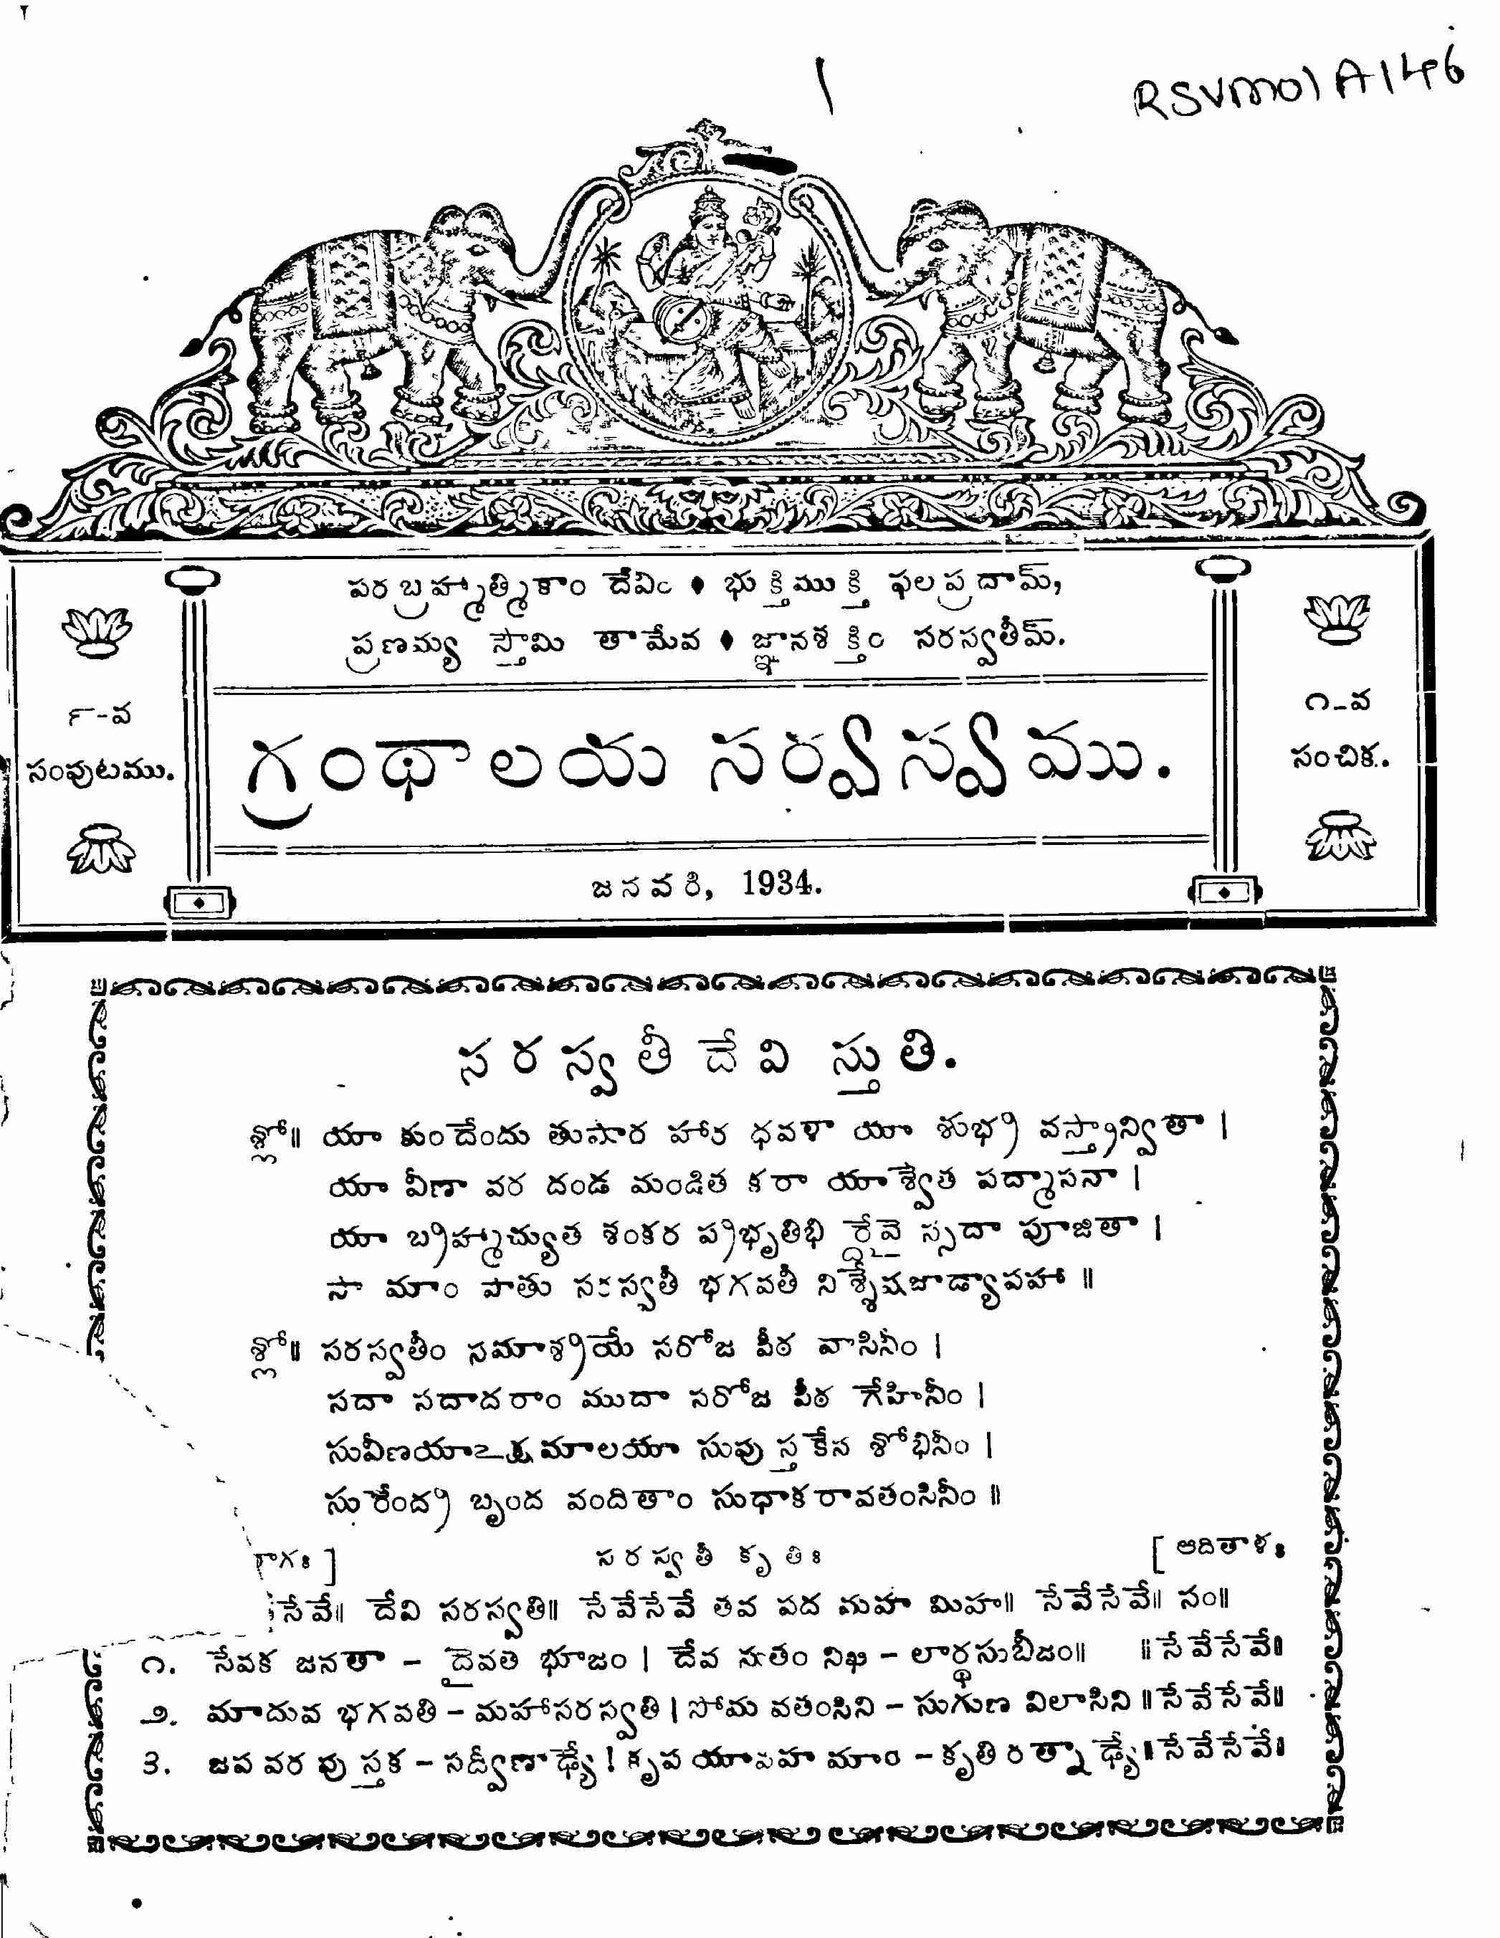శ్లో॥ యా కుందేందు తుషార హార ధవళా యా శుభ్ర వస్త్రాన్వితా |
 యా వీణా వరదండ మండిత కరా యా శ్వేత పద్మాసనా |
 యా బ్రహ్మాచ్యుత శంకర ప్రభృతిభి రేవె స్సదా పూజితా |
 సా మాం పాతు సరస్వతీ భగవతీ నిశ్శేషజాడ్యాపహా |

శ్లో॥ సరస్వతీం సమాశ్రయే సరోజ పీఠ వాసినీం |
 సదా సదాదరాం ముదా సరోజ పీఠ గేహినీం |
 సువీణయాఒక మాలయా సుపుస్త కేస శోభినీం |
 సురేంద్ర బృంద వందితాం సుధాక రావతంసినీం I

 [ఆదితాళ్ళ:] 

సేవే॥ దేవి సరస్వతి॥ సేవేసేవే తవ పద మహ మిహ॥ సేవేసే వే॥ సం॥

౧. సేవక జనతా ౼ దైవతి భూజం | దేవ సుతం ౼ నిఖ లార్థసుబీజం॥ ॥సేవేసేవే!

౨. మాదువ భగవతి ౼ మహాసరస్వతి |సోమ వతంసిని ౼ సుగుణ విలాసిని || సేవేసేవే॥ 

౩. జప వర పుస్తక ౼ సద్వీణ్యాధ్యే ! కృపయావహ మాం ౼ కృతిరత్నాధ్యే ॥ సేవేసేవే